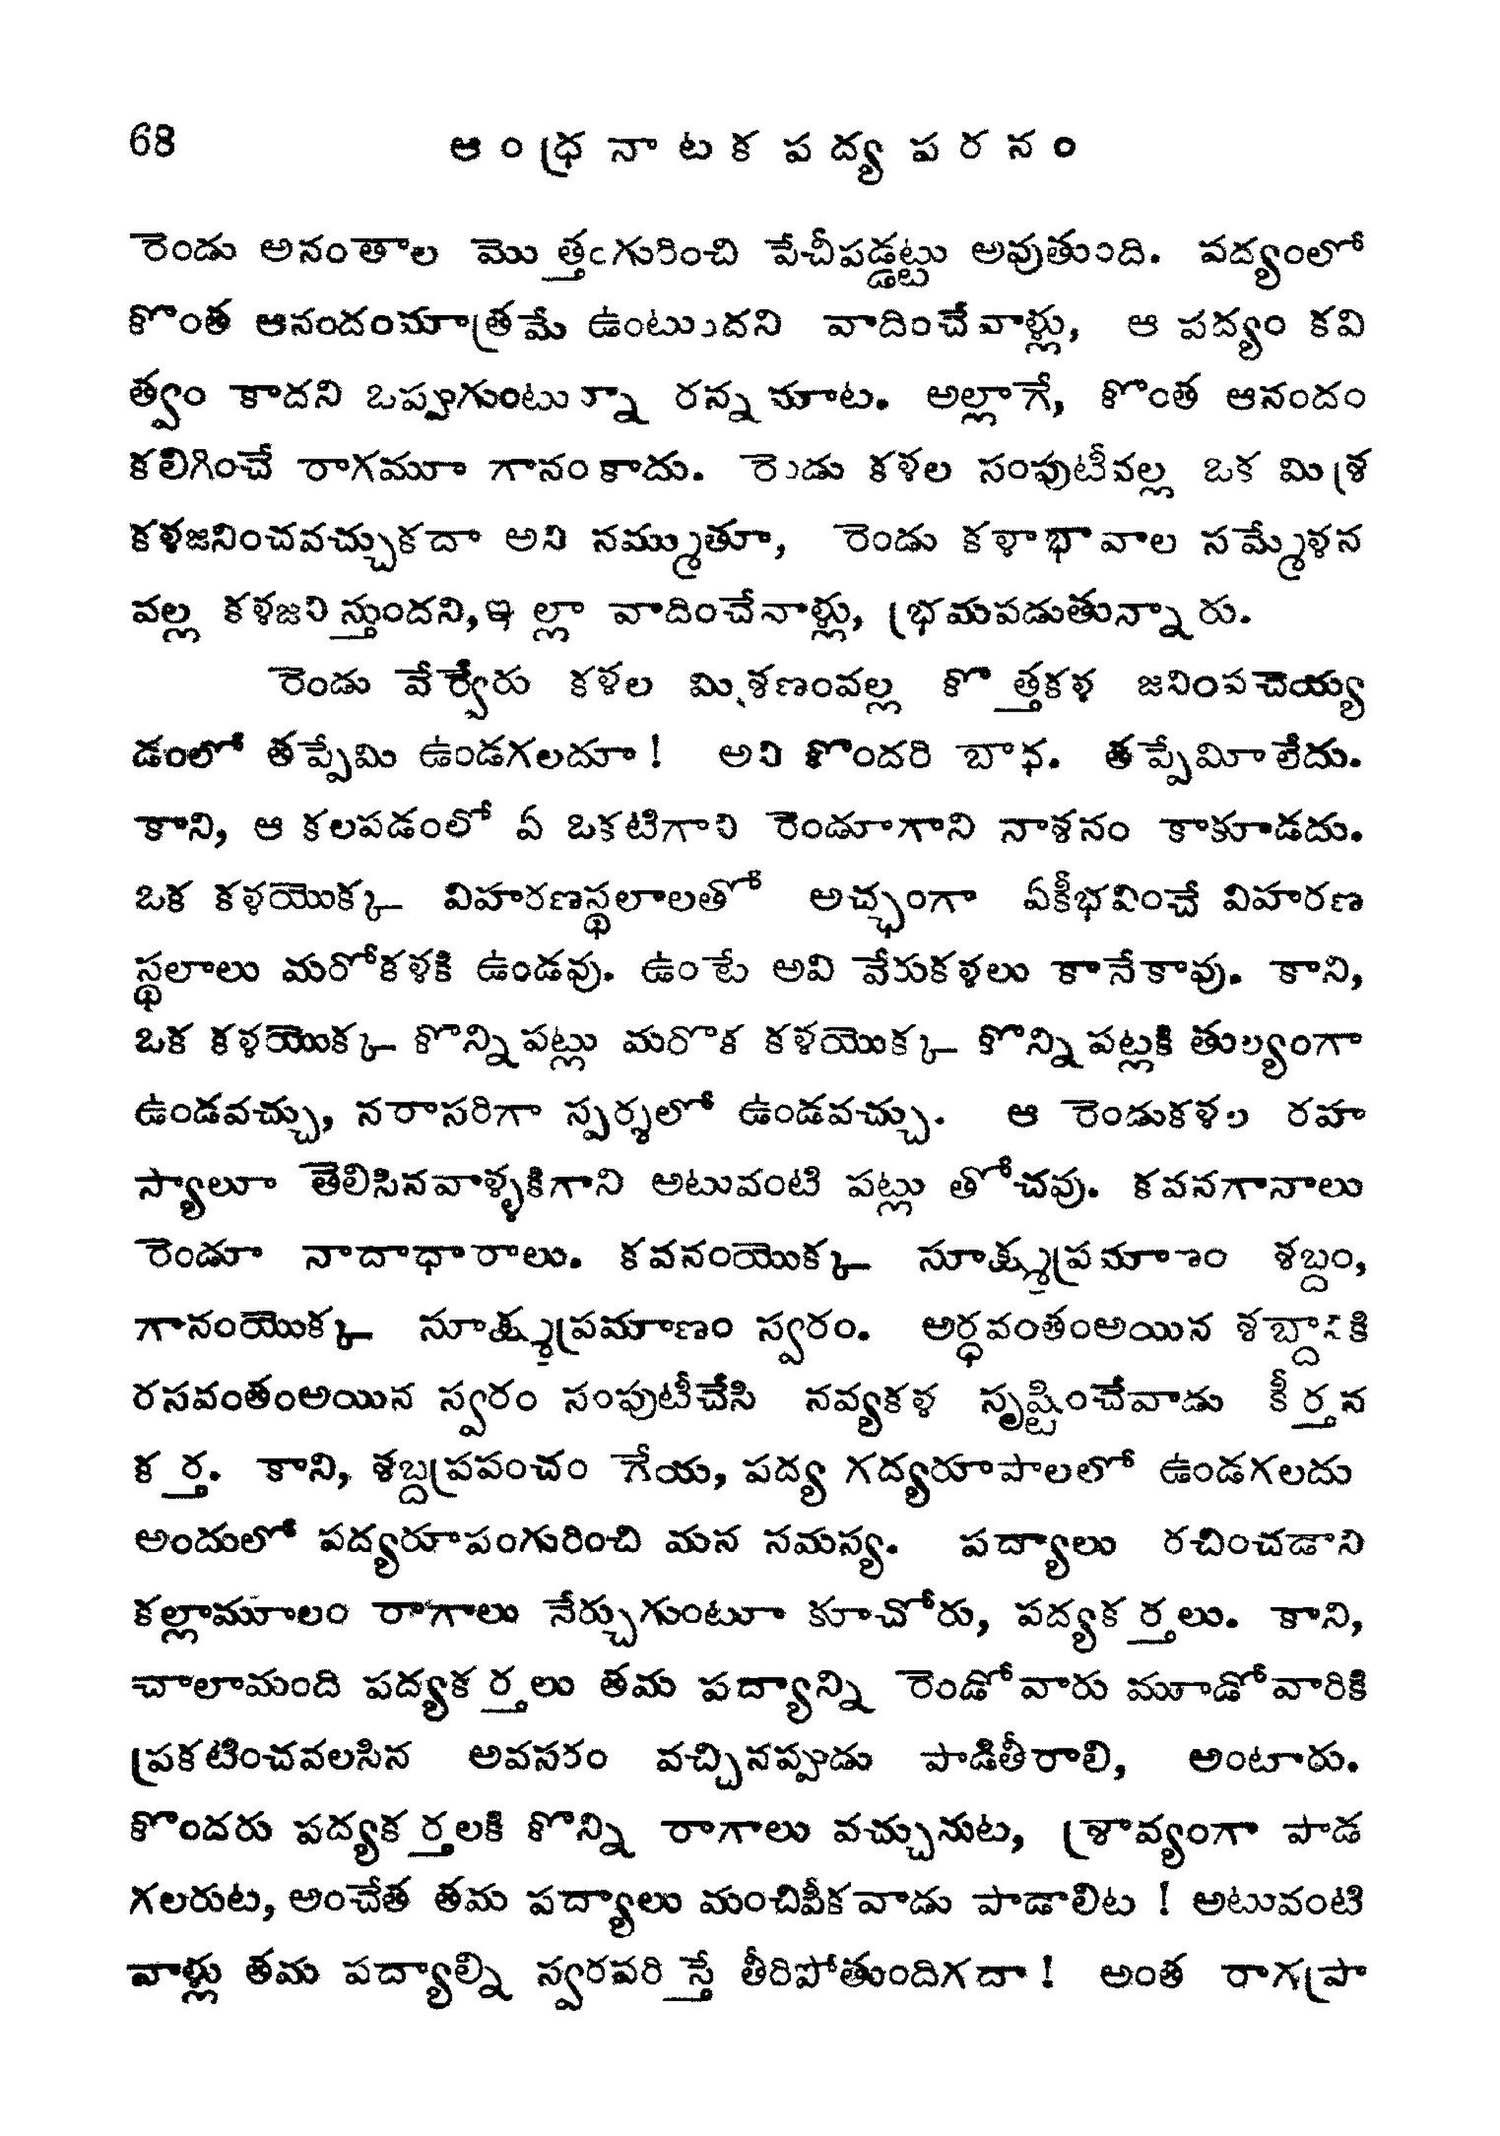రెండు అనంతాల మొత్తంగురించి పేచీపడ్డట్టు అవుతుంది. పద్యంలో
కొంత ఆనందంమాత్రమే ఉంటుందని వాదించేవాళ్లు, ఆ పద్యం కవి
త్వం కాదని ఒప్పుగుంటున్నా రన్న మాట. అల్లాగే, కొంత ఆనందం
కలిగించే రాగమూ గానంకాదు. రెండు కళల సంపుటీవల్ల ఒక మిశ్ర
కళజనించవచ్చుకదా అని నమ్ముతూ, రెండు కళాభావాల సమ్మేళన
వల్ల కళజనిస్తుందని, ఇల్లా వాదించేవాళ్లు, భ్రమపడుతున్నారు.

రెండు వేర్వేరు కళల మిశ్రణంవల్ల కొత్తకళ జనింపచెయ్య
డంలో తప్పేమి ఉండగలదూ ! అవి కొందరి బాధ. తప్పేమీలేదు.
కాని, ఆ కలపడంలో ఏ ఒకటిగాని రెండూగాని నాశనం కాకూడదు.
ఒక కళయొక్క విహరణస్థలాలతో అచ్చంగా ఏకీభవించే విహరణ
స్థలాలు మరోకళకి ఉండవు. ఉంటే అవి వేరుకళలు కానేకావు. కాని,
ఒక కళయొక్క కొన్నిపట్లు మరొక కళయొక్క కొన్నిపట్లకి తుల్యంగా
ఉండవచ్చు, సరాసరిగా స్పర్శలో ఉండవచ్చు. ఆ రెండుకళల రహ
స్యాలూ తెలిసినవాళ్ళకిగాని అటువంటి పట్లు తోచవు. కవనగానాలు
రెండూ నాదాధారాలు. కవనంయొక్క సూక్ష్మప్రమాణం శబ్దం,
గానంయొక్క సూక్ష్మప్రమాణం స్వరం. అర్ధవంతంఅయిన శబ్దానికి
రసవంతంఅయిన స్వరం సంపుటీచేసి నవ్యకళ సృష్టించేవాడు కీర్తన
కర్త. కాని, శబ్దప్రపంచం గేయ, పద్య గద్యరూపాలలో ఉండగలదు
అందులో పద్యరూపంగురించి మన సమస్య. పద్యాలు రచించడాని
కల్లామూలం రాగాలు నేర్చుగుంటూ కూచోరు, పద్యకర్తలు. కాని,
చాలామంది పద్యకర్తలు తమ పద్యాన్ని రెండోవారు మూడోవారికి
ప్రకటించవలసిన అవసరం వచ్చినప్పుడు పాడితీరాలి, అంటారు.
కొందరు పద్యకర్తలకి కొన్ని రాగాలు వచ్చునుట, శ్రావ్యంగా పాడ
గలరుట, అంచేత తమ పద్యాలు మంచిపీకవాడు పాడాలిట ! అటువంటి
వాళ్లు తమ పద్యాల్ని స్వరపరిస్తే తీరిపోతుందిగదా ! అంత రాగప్రా